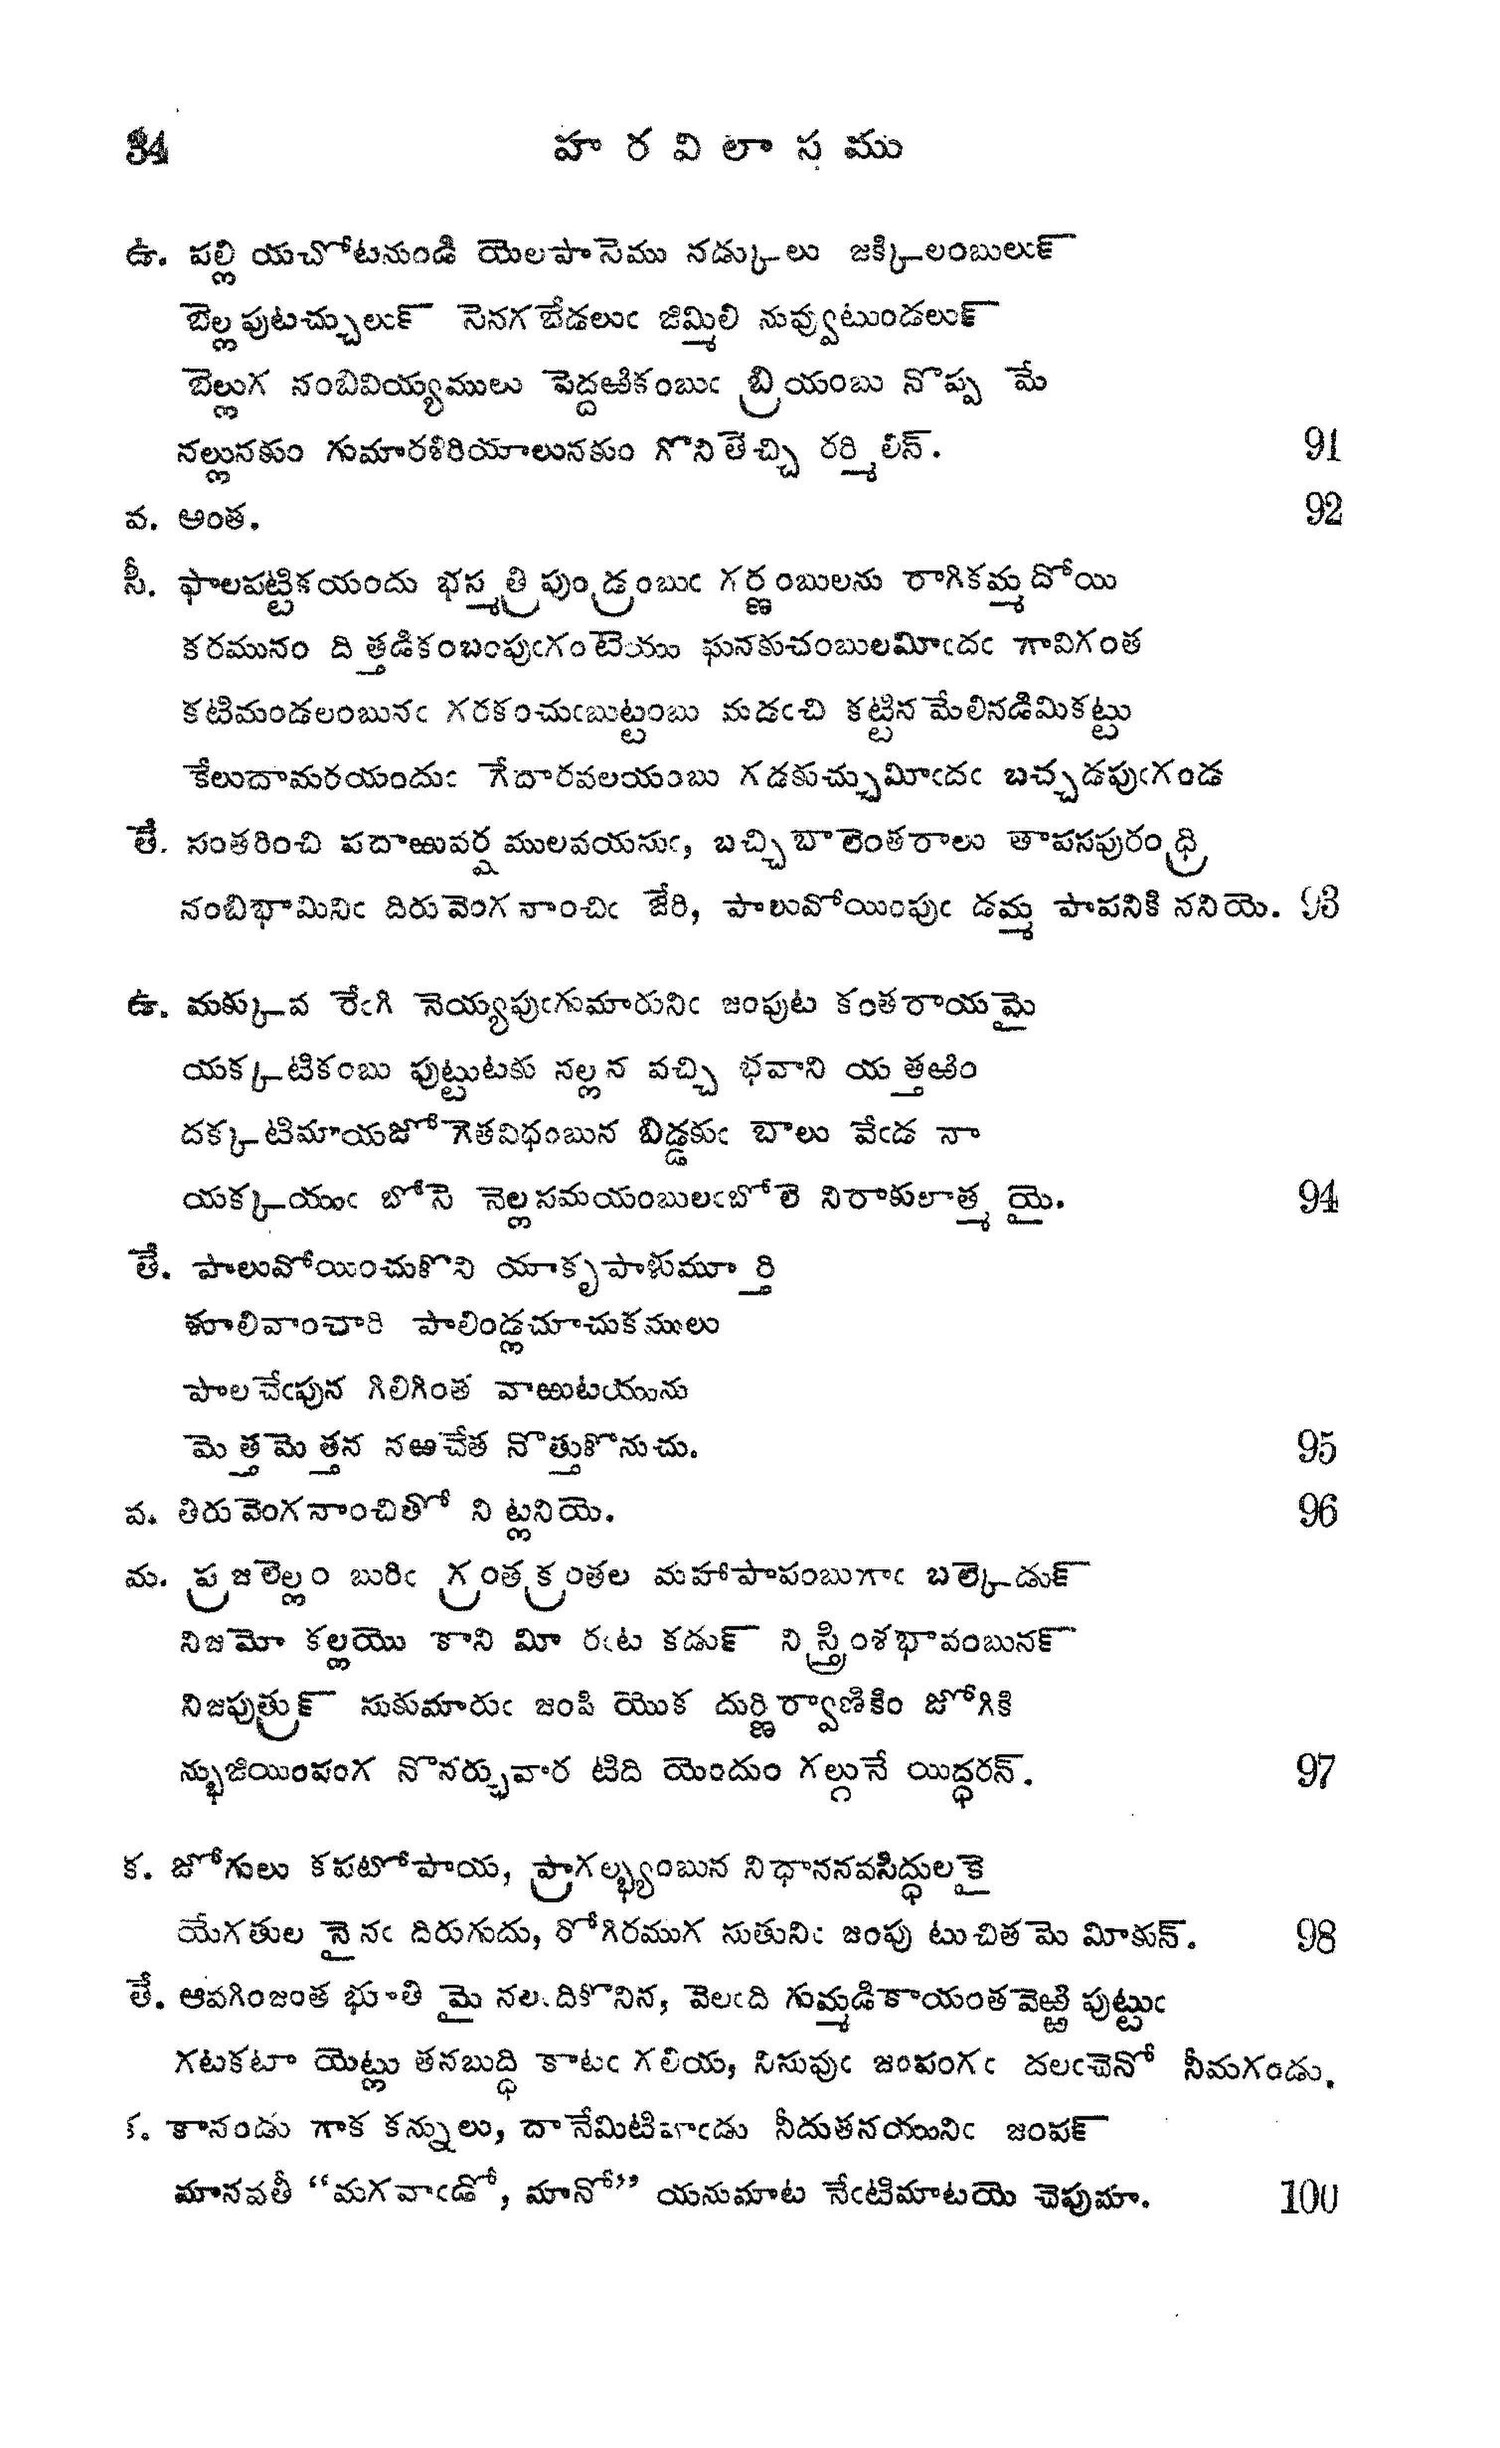ఉ. పల్లియచోటనుండి యెలపాసెము నడ్కులు జక్కిలంబులున్
బెల్లపుటచ్చులున్ సెనగబేడలుఁ జిమ్మిలి నువ్వుటుండలున్
బెల్లుగ నంబివియ్యములు పెద్దఱికంబుఁ బ్రియంబు నొప్ప మే
నల్లునకుం గుమారశిరియాలునకుం గొనితెచ్చి రర్మిలిన్. 91

వ. అంత. 92

సీ. ఫాలపట్టికయందు భస్మత్రిపుండ్రంబుఁ గర్ణంబులను రాగికమ్మదోయి
కరమునం దిత్తడికంబంపుఁగంటెయు ఘనకుచంబులమీఁదఁ గావిగంత
కటిమండలంబునఁ గరకంచుఁబుట్టంబు మడఁచి కట్టిన మేలినడిమికట్టు
కేలుదామరయందుఁ గేదారవలయంబు గడకుచ్చుమీఁదఁ బచ్చడపుఁగండ
తే. సంతరించి పదాఱువర్షములవయసుఁ, బచ్చిబాలెంతరాలు తాపసపురంధ్రి
నంబిభామినిఁ దిరువెంగనాంచిఁ జేరి, పాలుపోయింపుఁ డమ్మ పాపనికి ననియె. 93

ఉ. మక్కువ రేఁగి నెయ్యపుఁగుమారునిఁ జంపుట కంతరాయమై
యక్కటికంబు పుట్టుటకు నల్లన వచ్చి భవాని యత్తఱిం
దక్కటిమాయజోగెతవిధంబున బిడ్డకుఁ బాలు వేఁడ నా
యక్కయుఁ బోసె నెల్లసమయంబులఁబోలె నిరాకులాత్మ యై. 94

తే. పాలువోయించుకొని యాకృపాళుమూర్తి
శూలివాంచారి పాలిండ్లచూచుకములు
పాలచేఁపున గిలిగింత వాఱుటయును
మెత్తమెత్తన నఱచేత నొత్తుకొనుచు. 95

వ. తిరువెంగనాంచితో నిట్లనియె. 96

మ. ప్రజలెల్లం బురిఁ గ్రంతక్రంతల మహాపాపంబుగాఁ బల్కెడున్
నిజమో కల్లయొ కాని మీ రఁట కడున్ నిస్త్రింశభావంబునన్
నిజపుత్రున్ సుకుమారుఁ జంపి యొక దుర్ణిర్వాణికిం జోగికి
న్భుజియింపంగ నొనర్చువార టిది యెందుం గల్గునే యిద్దరన్. 97

క. జోగులు కపటోపాయ, ప్రాగల్భ్యంబున నిధాననవసిద్ధులకై
యేగతుల నైనఁ దిరుగుదు, రోగిరముగ సుతునిఁ జంపు టుచితమె మీకున్. 98

తే. ఆవగింజంత భూతి మై నలఁదికొనిన, వెలఁది గుమ్మడికాయంత వెఱ్ఱి పుట్టుఁ
గటకటా యెట్లు తనబుద్ధి కాటఁ గలియ, నిసువుఁ జంపంగఁ దలఁచెనో నీమగండు.

క. కానండు గాక కన్నులు, దా నేమిటివాఁడు నీదుతనయునిఁ జంపన్
మానవతీ “మగవాఁడో, మానో” యనుమాట నేఁటిమాటయె చెపుమా. 100